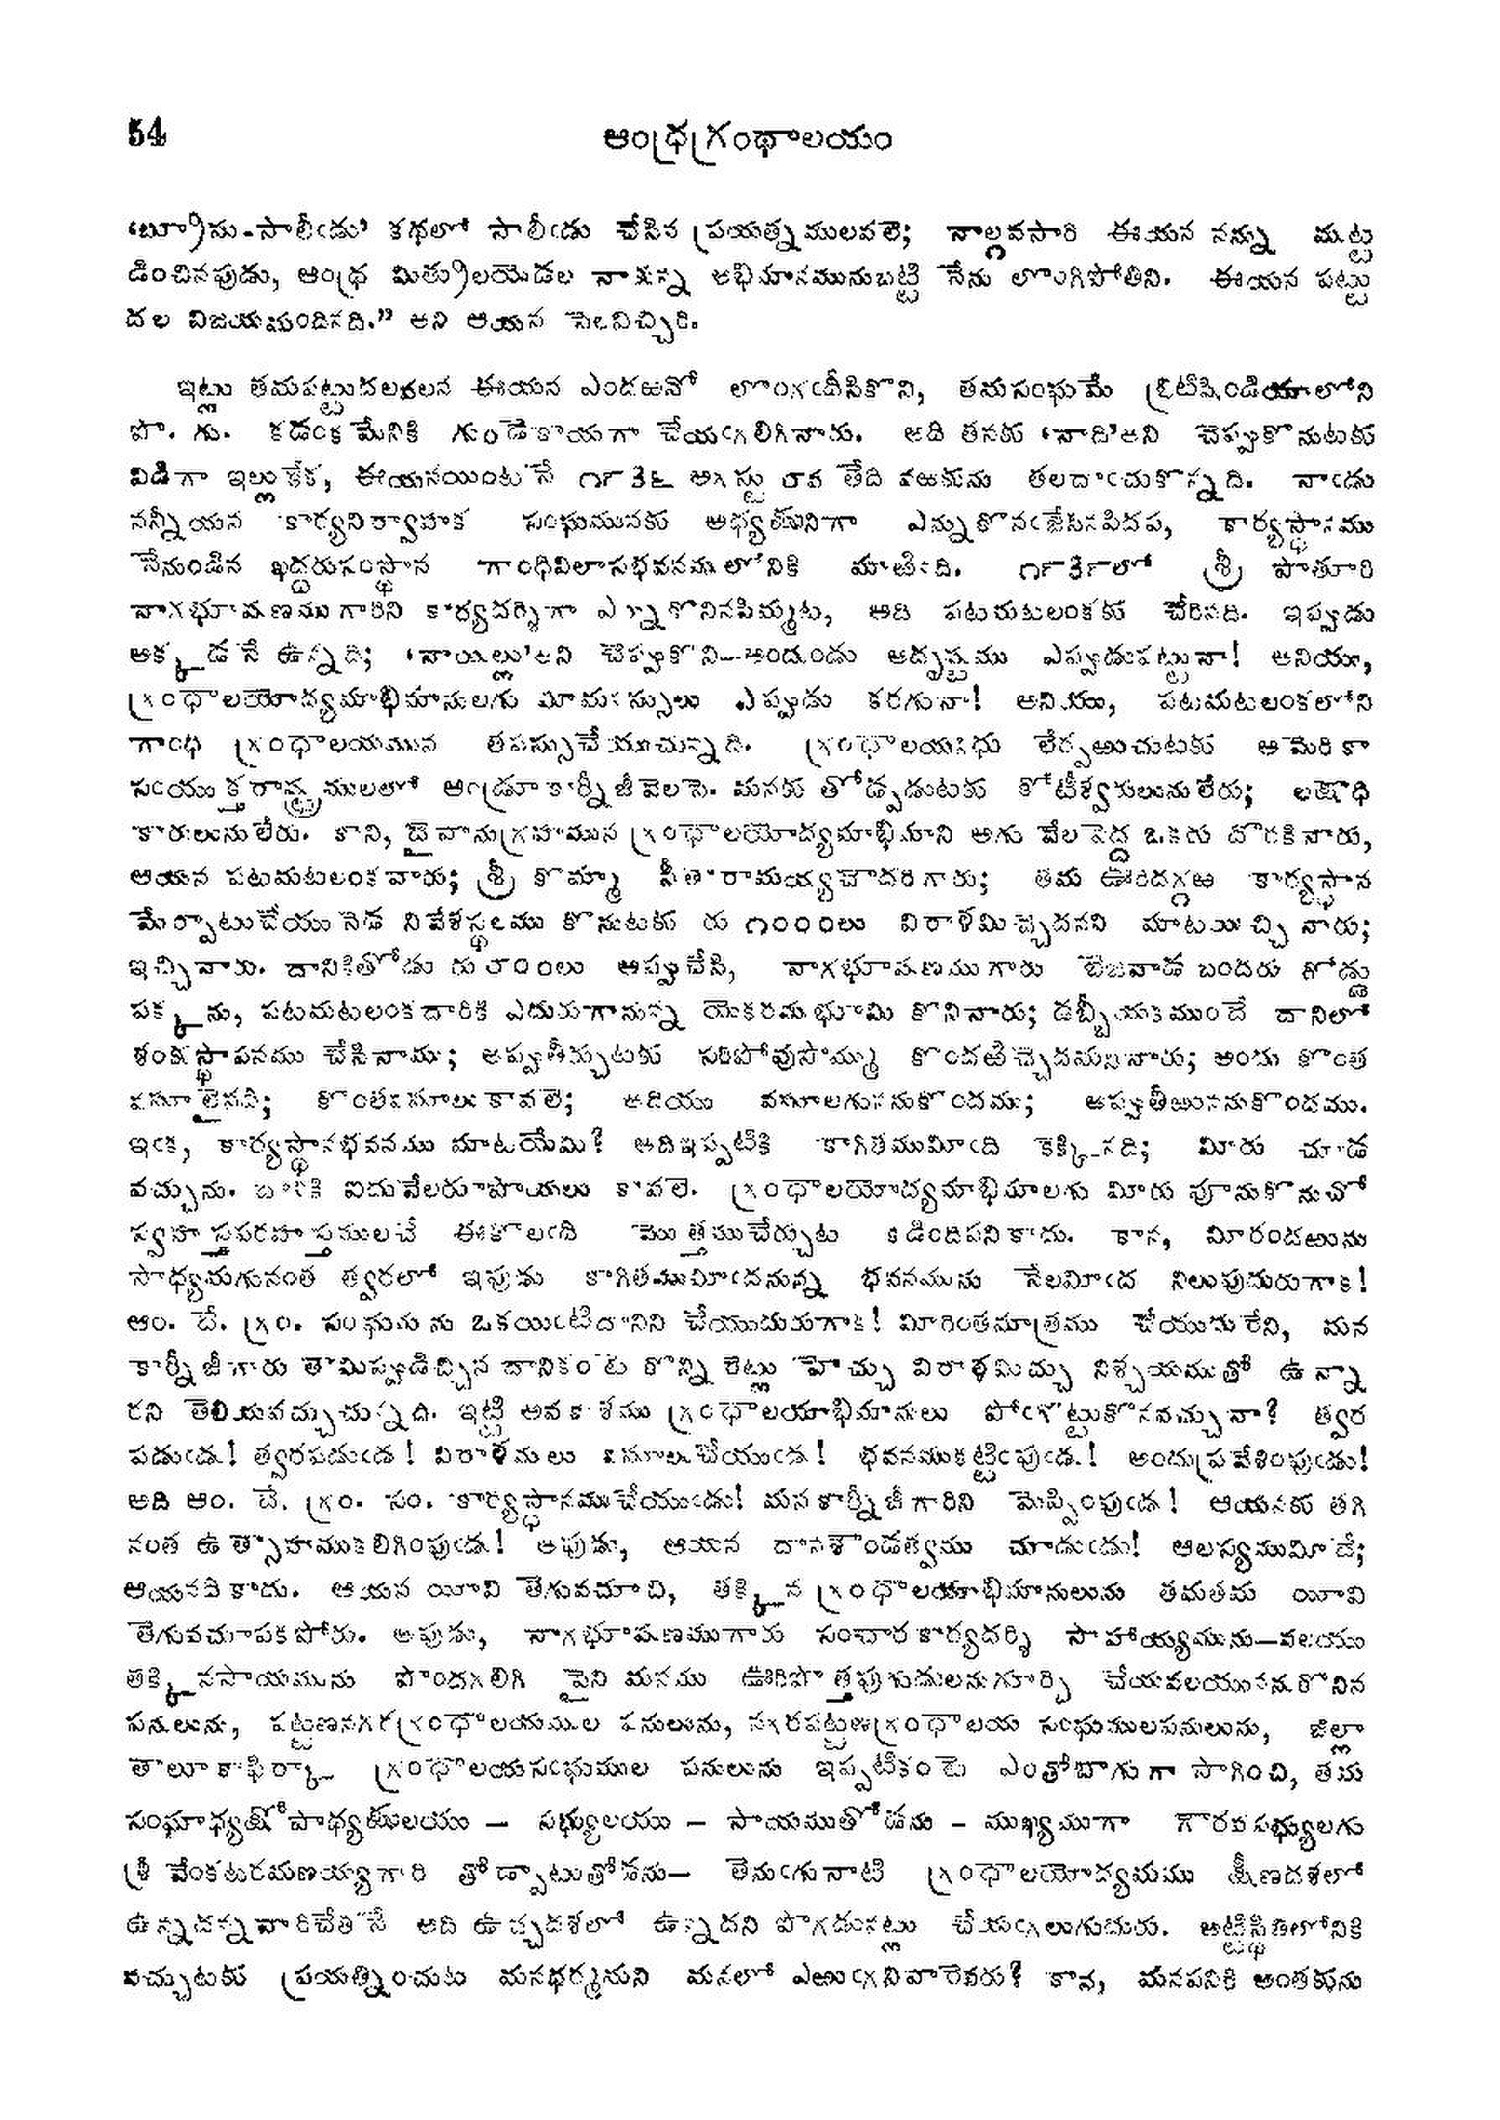'బ్రూసు-సాలీఁడు' కథలో సాలీడు చేసిన ప్రయత్నములవలె; నాల్గవసారి ఈయన నన్ను ముట్టడించినపుడు, ఆంధ్ర 
మిత్రులయెడల నాకున్న అభిమానమునుబట్టి నేను లొంగిపోతిని. ఈయన పట్టుదల విజయమందినది." అని ఆయన 
సెలవిచ్చిరి.

ఇట్లు తమ పట్టుదలవలన ఈయన ఎండఱనో లొంగఁదీసికొని, తమ సంఘమే బ్రిటీష్౦డియాలోని పొ.గు.కడంకమేనికి 
గుండెకాయగా చేయఁగలిగినారు. అది తనకు 'నాది' అని చెప్పుకొనుటకు విడిగా ఇల్లులేక, ఈయనయింటనే ౧౯౩౬
ఆగస్టు 5వ తేది వఱకును తలదాఁచుకొన్నది. నాడు నన్నీయన కార్యనిర్వాహక సంఘమునకు అధ్యక్షునిగా ఎన్నుకొనఁజేసిన 
పిదప, కార్యస్థానము నేనుండిన ఖద్దరుసంస్థాన గాంధీ విలాసభవనము లోనికి మాఱినది. ౧౯౩౯ లో శ్రీ పాతూరి
నాగభూషణము గారిని కార్యదర్శిగా ఎన్నుకొనినపిమ్మట, అది పటమటలంకకు చేరినది. ఇప్పుడు అక్కడనే ఉన్నది; 
'నాయిల్లు' అనీ చెప్పుకొని అందుండు అదృష్టము ఎప్పుడుపట్టునా! ఆనియ గ్రంధాలయోద్యమాభిమానులగు మామనస్సులు 
ఎప్పుడు కరగునా! అనియు, పటమటలంకలోని గాఁధి గ్రంధాలయమున తపస్సు చేయుచున్నది. గ్రంధాలయనిధి 
లెర్పఱుచుటకు ఆమెరికా సంయుక్త రాష్ట్రములలో ఆండ్రూకార్నిజీ వెలసె. మనకు తోడ్పడుటకు కోటీశ్వరులును లేరు; 
లక్షాధికొరులును లేరు. కొని, దైవానుగ్రహమున గ్రంథాలయోద్యమాభిమాని అగు వేలపెద్ద ఒకరు దొరకినారు, ఆయన 
పటమటలంక వారు; శ్రీ కొమ్మా సీతారామయ్య చౌదరి గారు; తమ ఊరిదగ్గఱ కార్యస్థానమేర్పాటుచేయునెడ నివేళస్థలము 
కొనుటకు రు ౧౦౦౦ లు విరాళమిచ్చెదనని మాటయిచ్చినరు; ఇచ్చినారు. దానికితోడు రు ౮౦౦ అప్పుచేసి, 
నాగభూషణముగారు బెజవాడ బందరు రోడ్డు పక్కను, పటమటలంక దారికి ఎదురుగానున్న యెకరమభూమి కొనినారు; 
డబ్బీయకముందే దానిలో శంకుస్థాపనము చేసినాము; అప్పుతీర్చుటకు సరిపోవుసొమ్ము కొందఱిచ్చెదనునివారు; 
అందు కొంత వసూలైనది; కొంతవసూలుకావలె; ఆదియు వసూలగునుకొందము; అప్పుతీఱునసుకొందము. ఇక, 
కార్యస్థానభవనము మాటయేమి? అది ఇప్పటికి కాగితముమీఁది కెక్కినది; మీరు చూడ వచ్చును. దానికి ఐదువేల
రూపాయలు కావలె. గ్రంధాలయోద్యమాభిమాలను మీరు పూనుకొనుచో స్వహస్తపరిరహస్తములచే ఈకొలది "మొత్తము 
చేర్చుట కడిందిపని కాదు. కాన, మీరందఱును సాధ్యమగునంత త్వరలో ఇపుడు కాగితముమీఁదనున్న భవనమును 
నేలమీఁద నిలుపుదురు గాక! ఆం.దే.గ్రం.సంఘమును ఒక యిఁటిదానిని చేయుదురుగాక ! మీరింతమాత్రము 
చేయుదురేని, మన కార్నీజీగారు తామిప్పుడిచ్చిన దానికంటే కొన్ని రేట్లు హెచ్చు విరాళమిచ్చు నిశ్చయముతో 
ఉన్నారని తెలియవచ్చుచున్నది. ఇట్టి అవకాశము గ్రంధాలయాభిమానులు పోగొట్టుకొనవచ్చునా? త్వరపడుఁడు! 
త్వరపడుఁడ! విరాళములు వసూలుచేయుఁడ! భవనముకట్టిఁపుఁడ! అందు ప్రవేశింపుఁడు! అది ఆం.దే.గ్రం.సం.
కార్యస్థానముచేయుఁడు! మన కార్నీజీగారిని మెప్పింపుఁడ! ఆయనకు తగినంత ఉత్సాహముకలిగింపుఁడు! అపుడు, ఆయన
దానశౌండత్వము చూడుఁడు! ఆలస్యముమీదే; ఆయనదికాదు. ఆయన యీవి తెగువచూచి, తక్కిన గ్రంధాలయాభిమానులును 
తమతమ యీవి తెగువచూపకపోరు. అపుడు, నాగభూషణముగారు సంచార కార్యదర్శి సాహాయ్యమును-వలయు తక్కిన
సాయమును పొందగలిగి పైని మనము ఊరిపొత్తపుగుడులను గూర్చి చేయవలయుననుకొని పనులను, పనులును, పట్టణనగర
గ్రంధాలయముల పనులును, నగరపట్టణగ్రంథాలయసంఘముల పనులును, జిల్లా తాలూకాఫిర్కా గ్రంథాలయ సంఘముల 
పనులును ఇప్పటికంటే ఎంతోబాగుగా సాగించి, తమ సంఘాధ్యక్షోపాధ్యములయు-సభ్యులయు - సాయముతోడను-ముఖ్యముగా
గౌరవ సభ్యులగు శ్రీ వేంకటరమణయ్య గారి తోడ్పాటుతోడను– తెనుఁగునాటి గ్రంథాలయోద్యమము క్షీణదశలో ఉన్నదన్న 
వారిచేతినే అది ఉచ్ఛదశలో ఉన్నదని పొగడునట్లు చేయఁలుగుదురు. అట్టిస్థితిలోనికి వచ్చుటకు ప్రయత్నించుట 
మనధర్మముని మనలో ఎఱుఁగనివారెవరు? కాన, మనపనికి అంతకును